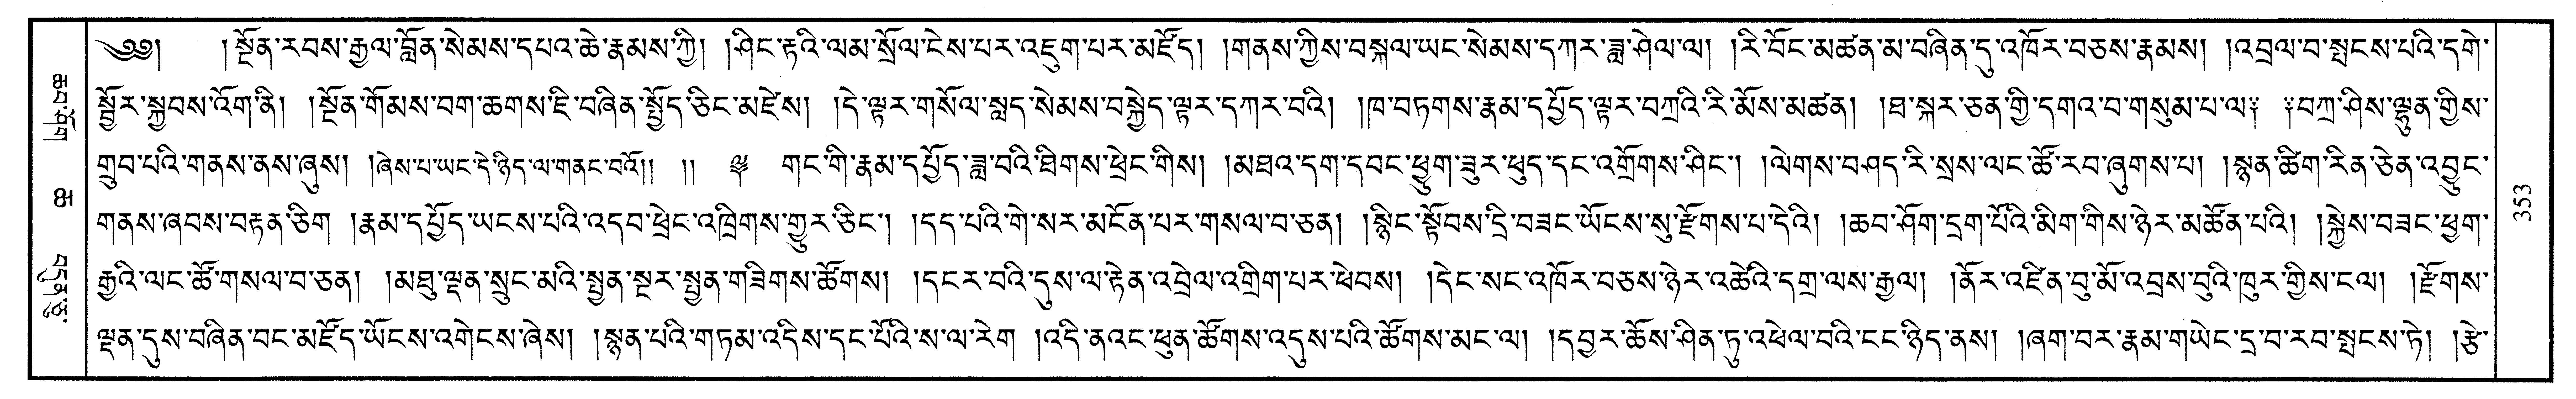༄༅། །སྔོན་རབས་རྒྱལ་བློན་སེམས་དཔའ་ཆེ་རྣམས་ཀྱི། །ཤིང་རྟའི་ལམ་སྲོལ་ངེས་པར་འཇུག་པར་མཛོད། །གནས་ཀྱིས་བསྐལ་ཡང་སེམས་དཀར་ཟླ་ཤེལ་ལ། །རི་བོང་མཚན་མ་བཞིན་དུ་འཁོར་བཅས་རྣམས། །འབྲལ་བ་སྤངས་པའི་དགེ་
སྦྱོར་སྐྱབས་འོག་ནི། །སྔོན་གོམས་བག་ཆགས་ཇི་བཞིན་སྤྱོད་ཅིང་མཛེས། །དེ་ལྟར་གསོལ་སླད་སེམས་བསྐྱེད་ལྟར་དཀར་བའི། །ཁ་བཏགས་རྣམ་དཔྱོད་ལྟར་བཀྲའི་རི་མོས་མཚན། །ཐ་སྐར་ཅན་གྱི་དགའ་བ་གསུམ་པ་ལ༑ ༑བཀྲ་ཤིས་ལྷུན་གྱིས་
གྲུབ་པའི་གནས་ནས་ཞུས། །ཞེས་པ་ཡང་དེ་ཉིད་ལ་གནང་བའོ།། །། ༈ གང་གི་རྣམ་དཔྱོད་ཟླ་བའི་ཐིགས་ཕྲེང་གིས། །མཐའ་དག་དབང་ཕྱུག་ཟུར་ཕུད་དང་འགྲོགས་ཤིང་། །ལེགས་བཤད་རི་སྲས་ལང་ཚོ་རབ་ཞུགས་པ། །སྙན་ཚིག་རིན་ཅེན་འབྱུང་
གནས་ཞབས་བརྟན་ཅིག །རྣམ་དཔྱོད་ཡངས་པའི་འདབ་ཕྲེང་འཁྲིགས་གྱུར་ཅིང་། །དད་པའི་གེ་སར་མངོན་པར་གསལ་བ་ཅན། །སྙིང་སྟོབས་དྲི་བཟང་ཡོངས་སུ་རྫོགས་པ་དེའི། །ཆབ་ཤོག་དྲག་པོའི་མིག་གིས་ཉེར་མཚོན་པའི། །སྐྱེས་བཟང་ཕྱག་
རྒྱའི་ལང་ཚོ་གསལ་བ་ཅན། །མཐུ་ལྡན་སྲུང་མའི་སྤྱན་སྔར་སྤྱན་གཟིགས་ཚོགས། །དངར་བའི་དུས་ལ་རྟེན་འབྲེལ་འགྲིག་པར་ཕེབས། །དེང་སང་འཁོར་བཅས་ཉེར་འཚེའི་དགྲ་ལས་རྒྱལ། །ནོར་འཛིན་བུ་མོ་འབྲས་བུའི་ཁུར་གྱིས་ངལ། །རྫོགས་
ལྡན་དུས་བཞིན་བང་མཛོད་ཡོངས་འགེངས་ཞེས། །སྙན་པའི་གཏམ་འདིས་དང་པོའི་ས་ལ་རེག །འདི་ནའང་ཕུན་ཚོགས་འདུས་པའི་ཚོགས་མང་ལ། །དབྱར་ཆོས་ཤིན་ཏུ་འཕེལ་བའི་ངང་ཉིད་ནས། །ཞག་བར་རྣམ་གཡེང་དྲ་བ་རབ་སྤངས་ཏེ། །རྩེ་